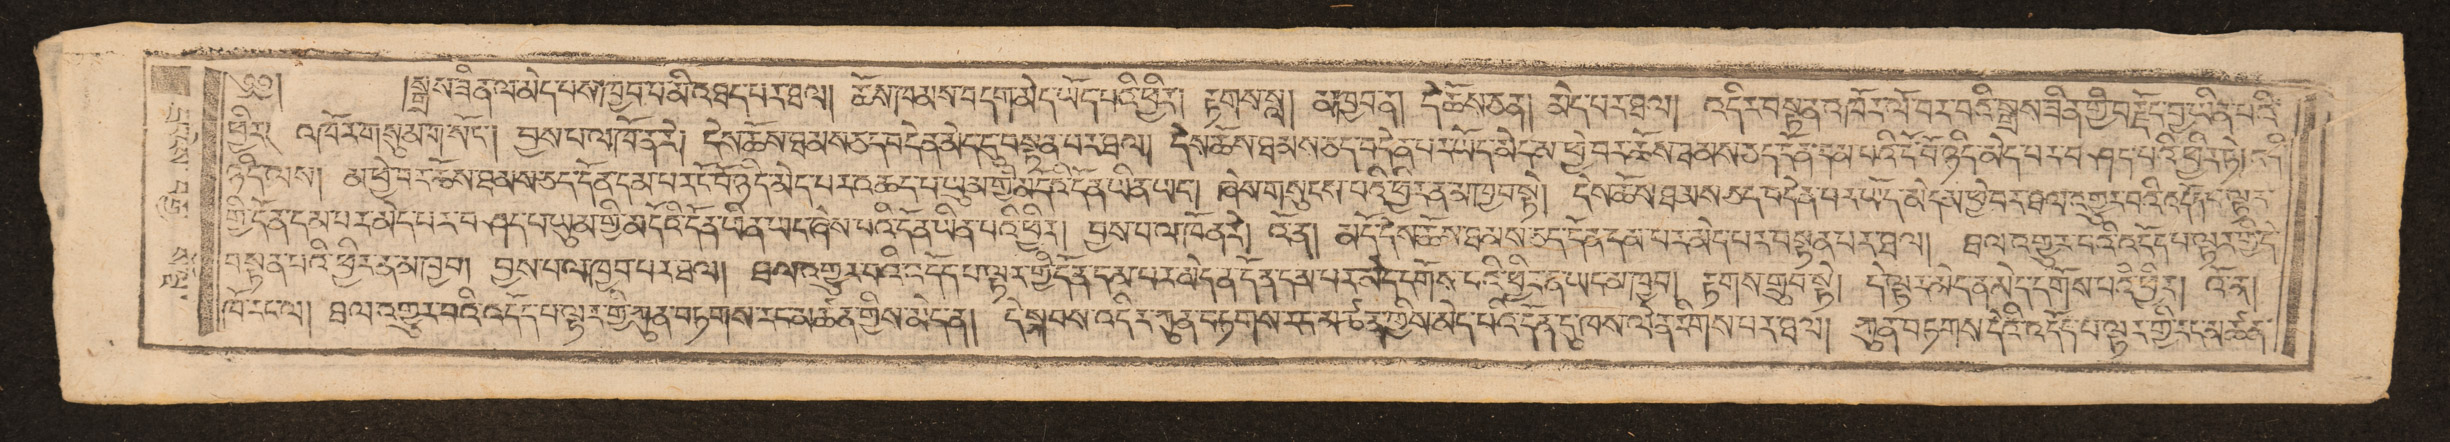༄༅། །སྒྲས་ཟིན་ལ་མེད་པས་ཁྱབ་པ་མི་འཐད་པར་ཐལ། ཆོས་ཁམས་བདག་མེད་ཡོད་པའི་ཕྱིར། རྟགས་སླ། མ་ཁྱབ་ན། དེ་ཆོས་ཅན། མེད་པར་ཐལ། འདིར་བསྟན་འཁོར་ལོ་བར་བའི་སྒྲས་ཟིན་གྱི་བརྗོད་བྱ་ཡིན་པའི་
ཕྱིར༑ འཁོར་གསུམ་ག་སོང་། བྱས་པ་ལ་ཁོ་ན་རེ། དེས་ཆོས་ཐམས་ཅད་བདེན་མེད་དུ་བསྟན་པར་ཐལ། དེས་ཆོས་ཐམས་ཅད་བདེན་པར་ཡོད་མེད་མ་ཕྱེ་བར་ཆོས་ཐམས་ཅད་དོན་དམ་པའི་ངོ་བོ་ཉིད་མེད་པར་བཤད་པའི་ཕྱིར་ཏེ། འདི་
ཉིད་ལས། མ་ཕྱེ་བར་ཆོས་ཐམས་ཅད་དོན་དམ་པར་ངོ་བོ་ཉིད་མེད་པར་འཆད་པ་ཡུམ་གྱི་མདོའི་དོན་ཡིན་ཡང་། ཞེས་གསུངས་པའི་ཕྱིར་ན་མ་ཁྱབ་སྟེ། དེས་ཆོས་ཐམས་ཅད་བདེན་པར་ཡོད་མེད་མ་ཕྱེ་བར་ཐལ་འགྱུར་བའི་འདོད་པ་ལྟར་
གྱི་དོན་དམ་པར་མེད་པར་བཤད་པ་ཡུམ་གྱི་མདོའི་དོན་ཡིན་ཡང་ཞེས་པའི་དོན་ཡིན་པའི་ཕྱིར། བྱས་པ་ལ་ཁོ་ན་རེ། འོ་ན། མདོ་དེས་ཆོས་ཐམས་ཅད་དོན་དམ་པར་མེད་པར་བསྟན་པར་ཐལ། ཐལ་འགྱུར་བའི་འདོད་པ་ལྟར་གྱི་དེ་
བསྟན་པའི་ཕྱིར་ན་མ་ཁྱབ། བྱས་པ་ལ་ཁྱབ་པར་ཐལ། ཐལ་འགྱུར་བའི་འདོད་པ་ལྟར་གྱི་དོན་དམ་པར་མེད་ན་དོན་དམ་པར་མེད་དགོས་པའི་ཕྱིར་ན་ཡང་མ་ཁྱབ། རྟགས་གྲུབ་སྟེ། དེ་ལྟར་མེད་ན་མེད་དགོས་པའི་ཕྱིར། འོ་ན།
ཁོ་རང་ལ། ཐལ་འགྱུར་བའི་འདོད་པ་ལྟར་གྱི་ཀུན་བཏགས་རང་མཚན་གྱིས་མེད་ན། དེ་སྐབས་འདིར་ཀུན་བཏགས་རང་མཚན་གྱིས་མེད་པའི་དོན་དུ་ཁས་ལེན་རིགས་པར་ཐལ། ཀུན་བཏགས་དེའི་འདོད་པ་ལྟར་གྱི་རང་མཚན་